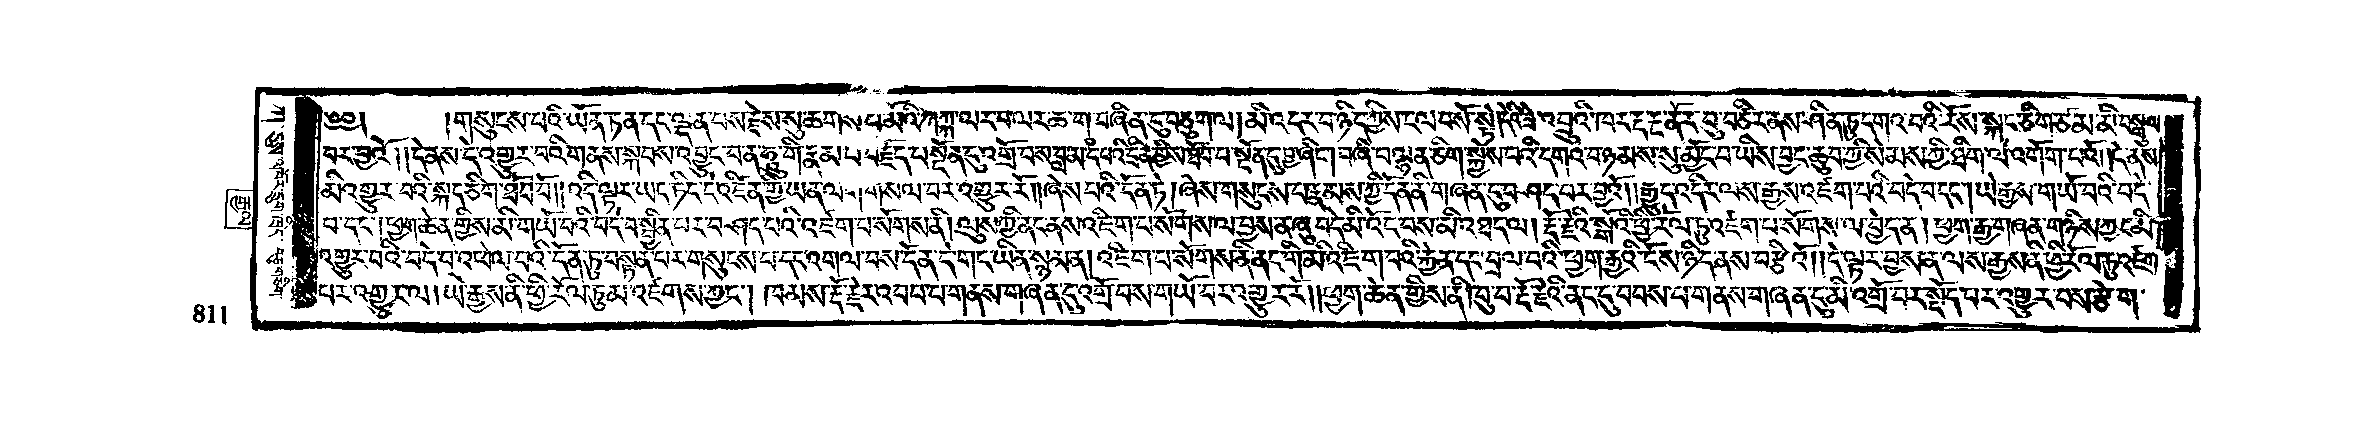༄༅། །གསུངས་པའི་ཡོན་ཏན་དང་ལྡན་པས་རྗེས་སུ་ཆགས་པ་མོའི་ཀཀཀ་ལར་བ་ལར་ཆ་ག་བཞིན་དུ་བཅུག་ལ། མི་འདར་བ་ཉིད་ཀྱིས་ངལ་བསོ་སྟེ། དེའི་ཟེ་འབྲུའི་ཁར་རྔ་རྔ་ནོར་བུ་བཙིར་ནས་ཤིན་ཏུ་དགའ་བའི་རོས་སྐད་ཅིག་ཙམ་མི་བསྒུལ་
བར་བྱའོ། །དེ་ནས་དེ་འགྱུར་བའི་གནས་སྐབས་འབྱུང་བ་ན་ཧཱུ་གི་རྣམ་པ་བརྗོད་པ་སྔོན་དུ་འགྲོ་བས་བླ་མ་དམ་པའི་དྲིན་གྱིས་ཐོབ་པ་སྔོན་དུ་བྱ་ཞིང་། བཞི་པ་ལྷན་ཅིག་སྐྱེས་པའི་དགའ་བ་ཉམས་སུ་མྱོང་བ་ཡིས་བྱང་ཆུབ་ཀྱི་སེམས་ཀྱི་ཐིག་ལེ་འགོག་པའོ། །དེ་ནས་
མི་འགྱུར་བའི་སྐད་ཅིག་ཐོབ་བོ། །འདི་ལྟར་ཡང་ཏིང་ངེ་འཛིན་གྱི་ཡན་ལག་གསལ་བར་འགྱུར་རོ། །ཞེས་པའི་དོན་ཏེ། ཞེས་གསུངས་པ་རྣམས་ཀྱི་དོན་ནི་གཞན་དུ་བཤད་པར་བྱའོ། །རྒྱུད་འདིར་ལས་རྒྱས་འཛག་པའི་བདེ་བ་དང་། ཡེ་རྒྱས་གཡོ་བའི་བདེ་
བ་དང་། ཕྱག་ཆེན་གྱིས་མི་གཡོ་བའི་བདེ་བ་སྦྱིན་པར་བཤད་པའི་འཛག་པ་སོགས་ནི། ལུས་ཀྱི་ནང་ནས་འཇིག་པ་སོགས་ལ་བྱས་ན་ཞུ་བདེ་མི་འོང་བས་མི་འཐད་ལ། རྡོ་རྗེའི་སྒོའི་ཕྱི་རོལ་ཏུ་འཛག་པ་སོགས་ལ་བྱེད་ན། ཕྱག་རྒྱ་གཞན་གཉིས་ཀྱང་མི་
འགྱུར་བའི་བདེ་བ་འཕེལ་བའི་དོན་ཏུ་བསྟན་པར་གསུངས་པ་དང་འགལ་བས་དོན་དེ་གང་ཡིན་སྙམ་ན། འཇིག་པ་སོགས་ནི་ནང་གི་མི་འཇིག་པའི་རྐྱེན་དང་བྲལ་བའི་ཕྱག་རྒྱའི་ངོས་ཉིད་ནས་བརྩིའོ། །དེ་ལྟར་བྱས་ན་ལས་རྒྱས་ནི་ཕྱི་རོལ་ཏུ་འཛག་
པར་འགྱུར་ལ། ཡེ་རྒྱས་ནི་ཕྱི་རོལ་ཏུ་མ་འཛགས་ཀྱང་། ཁམས་རྡོ་རྗེར་འབབ་པ་གནས་གཞན་དུ་འགྲོ་བས་གཡོ་བར་འགྱུར་རོ། །ཕྱག་ཆེན་གྱིས་ནི་ཁུ་བ་རྡོ་རྗེའི་ནང་དུ་བབས་པ་གནས་གཞན་དུ་མི་འགྲོ་བར་སྡོད་པར་འགྱུར་བས་རྩེ་ག་